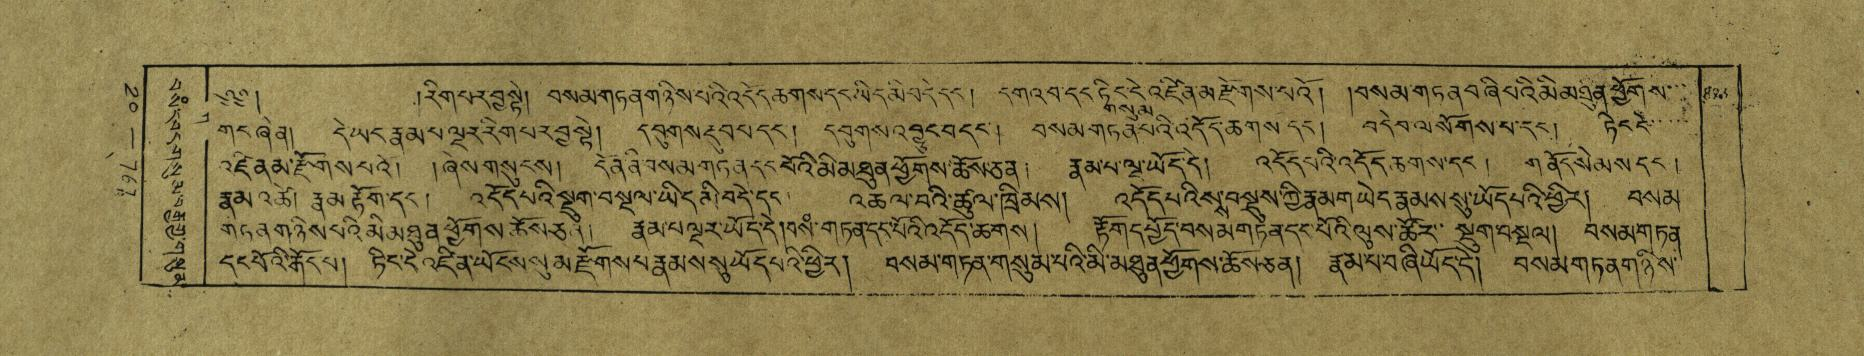༄༅། །རིག་པར་བྱ་སྟེ། བསམ་གཏན་གཉིས་པའི་འདོད་ཆགས་དང་ཡིད་མི་བདེ་དང་། དགའ་བ་དང་ཏིང་ངེ་འཛིན་མ་རྫོགས་པའོ། །བསམ་གཏན་བཞི་པའི་མི་མཐུན་ཕྱོགས་
གང་ཞེ་ན། དེ་ཡང་རྣམ་པ་ལྔར་རིག་པར་བྱ་སྟེ། དབུགས་རྡུབ་པ་དང་། དབུགས་འབྱུང་བ་དང་། བསམ་གཏན་གསུམ་པའི་འདོད་ཆགས་དང་། བདེ་བ་ལ་སོགས་པ་དང་། ཏིང་ངེ་
འཛིན་མ་རྫོགས་པའོ། །ཞེས་གསུངས། དོན་ནི་བསམ་གཏན་དང་པོའི་མི་མཐུན་ཕྱོགས་ཆོས་ཅན། རྣམ་པ་ལྔ་ཡོད་དེ། འདོད་པའི་འདོད་ཆགས་དང་། གནོད་སེམས་དང་།
རྣམ་འཚེ། རྣམ་རྟོག་དང་། འདོད་པའི་སྡུག་བསྔལ་ཡིད་མི་བདེ་དབང་། འཆལ་བའི་ཚུལ་ཁྲིམས། འདོད་པའི་སས་བསྡུས་ཀྱི་རྣམ་གཡེང་རྣམས་སུ་ཡོད་པའི་ཕྱིར། བསམ་
གཏན་གཉིས་པའི་མི་མཐུན་ཕྱོགས་ཆོས་ཅན། རྣམ་པར་ལྔར་ཡོད་དེ། བསཾ་གཏན་དང་པོའི་འདོད་ཆགས། རྟོག་དཔྱོད་བསམ་གཏན་དང་པོའི་ལུས་ཚོར་སྡུག་བསྔལ། བསམ་གཏན་
དང་པོའི་རྒོད་པ། ཏིང་ངེ་འཛིན་ཡོངས་སུ་མ་རྫོགས་པ་རྣམས་སུ་ཡོད་པའི་ཕྱིར། བསམ་གཏན་གསུམ་པའི་མི་མཐུན་ཕྱོགས་ཆོས་ཅན། རྣམ་པ་བཞི་ཡོད་དེ། བསམ་གཏན་གཉིས་